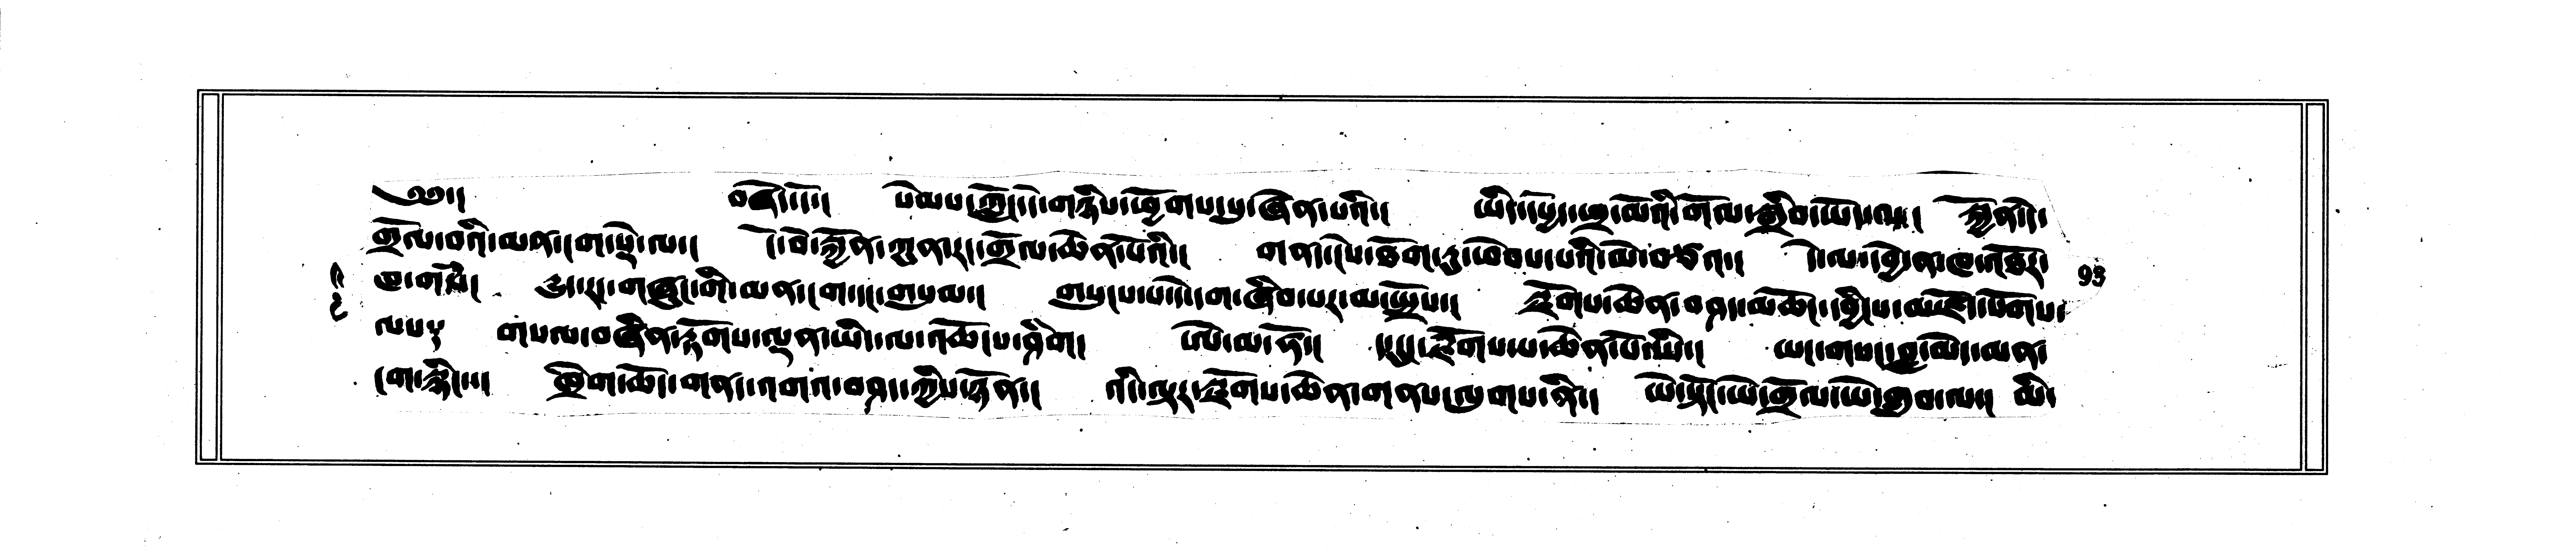༼༽བཞེད་དོ། །སེམས་ཀློང་དེ་གཉིས་ཕྱོགས་སུ་ཞེན་པའི། །ཡིད་དཔྱོད་ཕྲ་མོའི་གོལ་སྒྲིབ་ཡོད་ལམ། །སྐྱོན་དེ་
གྲོལ་བའི་མན་ངག་སྡེ་ལ། །ངོ་བོ་སྐྱོན་ཀུན་རང་གྲོལ་ཆེན་པོའི། །གནད་ངེས་ཐོག་ཏུ་ཕེབས་པའི་མེ་བཙའ། །དེ་ལ་དབྱེ་ན་ཁ་འཐོར་
ཁ་གདམ། །རྒྱུད་རང་གཞུང་གི་མན་ངག་དང་གསུམ། །གསུངས་པ་དེ་དག་ཞིབ་པར་མ་སྤྲོས། །རྫོགས་ཆེན་བཤད་མཆོང་དབྱིངས་མཛོད་སོགས་
ལས། །གསལ་བཞིན་རྟོགས་ལྡན་ཡིད་ལ་འཆོངས་ཤིག །ཨེ་མ་ཧོ། ད་དུང་རྫོགས་པ་ཆེན་པོ་ཡི། །ཡང་གསང་བླ་མེད་མན་
ངག་སྙིང་། །ཁྲེག་ཆོད་གནད་འགའ་བཤད་ཀྱིས་ཉོན། །འདི་ལྟར་རྫོགས་ཆེན་གནས་ལུགས་ནི། །ཡེ་སྟོང་ཡེ་གྲོལ་ཡེ་གྲུབ་ལ། །མི་